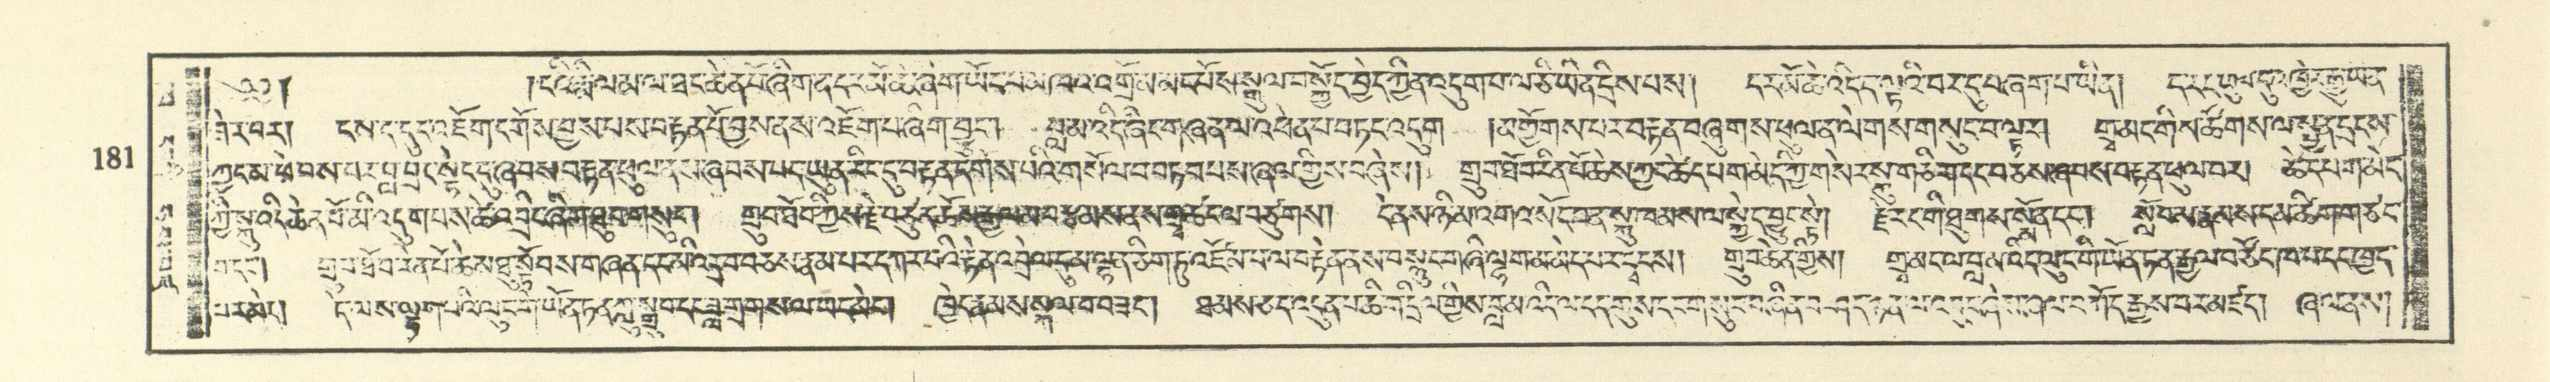༄༅། །ངའི་རྨི་ལམ་ལ་ཐང་ཆེན་པོ་ཞིག་ན་དར་མོ་ཆེ་ཞིག་ཡོད་པ་མཁའ་འགྲོ་མ་མང་པོས་སྒུལ་བསྐྱོད་བྱེད་ཀྱིན་འདུག་པ་ལ་ཅི་ཡིན་དྲིས་པས། དར་མོ་ཆེ་འདི་ད་ལྟའི་བར་དུ་བཞག་པ་ཡིན། ད་རང་ཡུལ་དུ་འཁྱེར་རྒྱུ་ཡིན་
ཟེར་བར། ངས་ད་དུང་འཇོག་དགོས་བྱས་པས་བརྟན་པོ་བྱས་ནས་འཇོག་པ་ཞིག་བྱུང་། བླ་མ་འདི་ཞིང་གཞན་ལ་འཕེན་པ་བཏང་འདུག །མགྱོགས་པར་བརྟན་བཞུགས་ཕུལ་ན་ལེགས་གསུང་བ་ལྟར། གྲྭ་མང་གིས་ཚོགས་ལ་སྤྱན་དྲངས་
ཀྱང་མ་ཕེབས་པར་བླ་བྲང་སྟེང་དུ་ཞབས་བརྟན་ཕུལ་ནས་ཞབས་པད་ཡུན་རིང་དུ་བརྟན་དགོས་པའི་གསོལ་བ་བཏབ་པས་ཞལ་གྱིས་བཞེས། གྲུབ་ཐོབ་རིན་པོ་ཆེས་ཀྱང་ཚེ་དཔག་མེད་ཀྱི་གསེར་སྐུ་གཅིག་དང་བཅས་ཞབས་བརྟན་ཕུལ་བར། ཚེ་དཔག་མེད་
ཀྱི་སྐུ་འདི་ཆེན་པོ་མི་འདུག་པས་ཚེ་འབྲིང་ཞིག་ཐུབ་གསུང་། གྲུབ་ཐོབ་ཀྱིས་རྗེ་བཙུན་ཆོས་རྒྱལ་མ་བརྩམས་ནས་གྲྭ་ཚང་ལ་བཙུགས། དེ་ནས་ཉི་མ་འགའ་སོང་བ་ན་སྐུ་ཁམས་ལ་སྐྱེད་བྱུང་སྟེ། རྗེ་རང་གི་ཐུགས་སྨོན་དང་། སློབ་མ་རྣམས་དམ་ཚིག་གཙང་
བ་དང་། གྲུབ་ཐོབ་རིན་པོ་ཆེ་མཐུ་སྟོབས་གཞན་དང་མི་འདྲ་བ་བཅས་རྣམ་པར་དཀར་བའི་རྟེན་འབྲེལ་དུ་མ་ལྷན་ཅིག་ཏུ་འཛོམ་པ་ལ་བརྟེན་ནས་བསྙུང་གཞི་ལྷག་མ་མེད་པར་དྭངས། གྲུབ་ཆེན་གྱིས། གྲྭ་མང་ལ་བླ་མ་འདི་ལུང་གི་ཡོན་ཏན་རྒྱལ་བ་ཙོང་ཁ་པ་དང་ཁྱད་
པར་མེད། དེ་ལས་ལྷག་པའི་ལུང་གི་ཡོན་ཏན་ཀླུ་སྒྲུབ་དང་ཟླ་གྲགས་ལ་ཡང་མེད། ཁྱེད་རྣམས་སྐལ་བ་བཟང་། ཐམས་ཅད་འདུན་པ་ཆིག་དྲིལ་གྱིས་བླ་མ་འདི་ལ་དད་གུས་དང་གསུང་བཞིན་བཤད་ཉན་ལ་འབུང་ཞེས་ཞལ་བཀོད་རྒྱས་བར་མཛད། ཞལ་ནས།